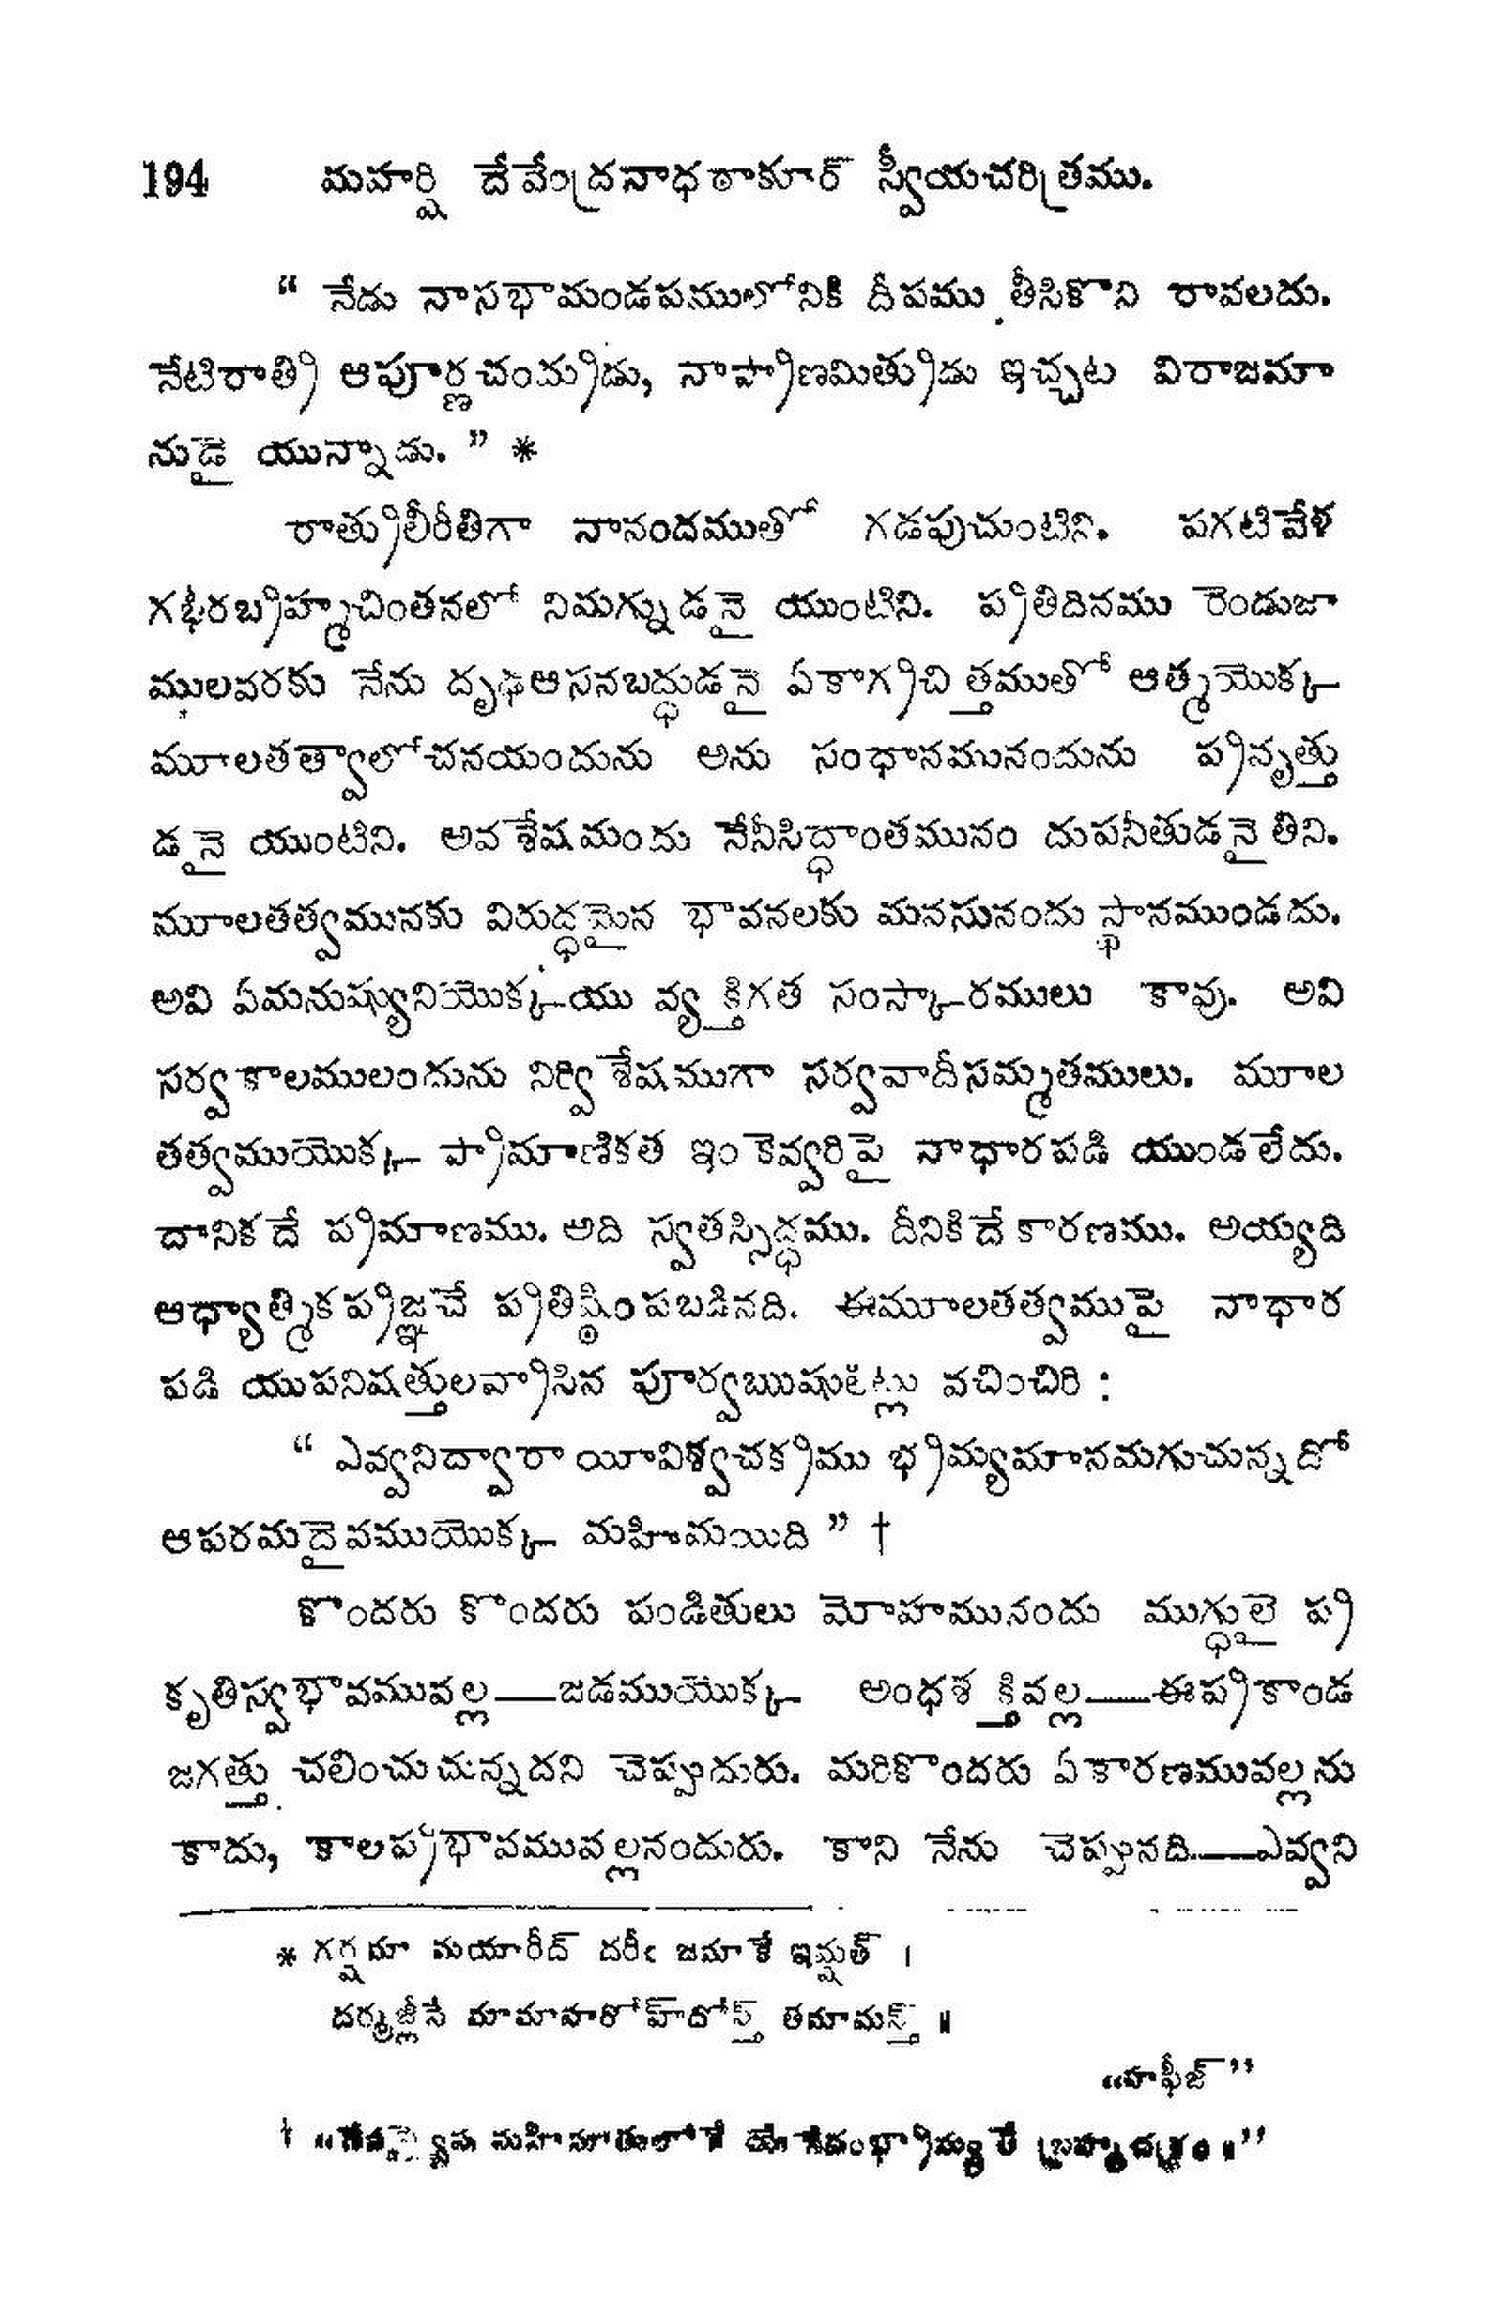" నేడు నాసభామండపము లోనికి దీపము తీసికొని రావలదు,
నేటి రాతి ఆ పూర్ణచంచుడు, నాప్రాణ మిత్రుడు ఇచ్చట విరాజమా
నుడై యున్నాడు. " *

రాత్రులీరీతిగా నానందముతో గడపుచుంటిని. పగటివేళ
గభీరబాహ్మచింతనలో నిమగ్నుడనై యుంటిని. ప్రతిదినము రెండుజా
ములవరకు నేను దృఢ ఆ సన బద్ధుడనై ఏకాగ్రచి త్తములో ఆత్మ యొక్క
మూలతత్వాలోచన యందును అను సంధానమునందును ప్రనృత్తుడనై 
యుంటిని. అవ శేషమందు "నేనీ సిద్ధాంతమునం దుపనీతుడ నైతిని,
మూలతత్వమునకు విరుద్ధమైన భావనలకు మనసునందు స్థానముండదు.
అవి ఏమనుష్యుని యొక్కయు వ్యక్తిగత సంస్కారములు కావు. అవి
సర్వ కాలములందును నిర్వ శేషముగా సర్వవాదీ సమ్మతములు. మూల
తత్వము యొక్క ప్రామాణికత ఇం కెవ్వరిపై నాధారపడి యుండ లేదు.
దానికదే ప్రమాణము. అది స్వతస్సిద్ధము. దీనికిదే కారణము. అయ్యది
ఆధ్యాత్మిక ప్రజ్ఞచే ప్రతిష్ఠింపబడినది. ఈమూలతత్వముపై సాధార
పడి యుపనిషత్తుల వ్రాసిన పూర్వఋష్ముట్లు వచించిరి :

ఎవ్వనిద్వారా యీవిశ్వచకము అమ్యమానమగుచున్నదో
ఆపరమ దైవము యొక్క మహిమయిది " t

కొందరు కొందరు పండితులు మోహమునందు ముగ్ధులై ప్ర
కృతి స్వభావమువల్ల — జడము యొక్క అంధశక్తివల్ల ......ఈ ప్రకాండ
జగత్తు చలించుచున్నదని చెప్పుదురు. మరికొందరు ఏకారణమువల్లను
కాదు, 'కాల ప్రభావమువల్ల నందురు. కాని నేను చెప్పునది..ఎవ్వని

•